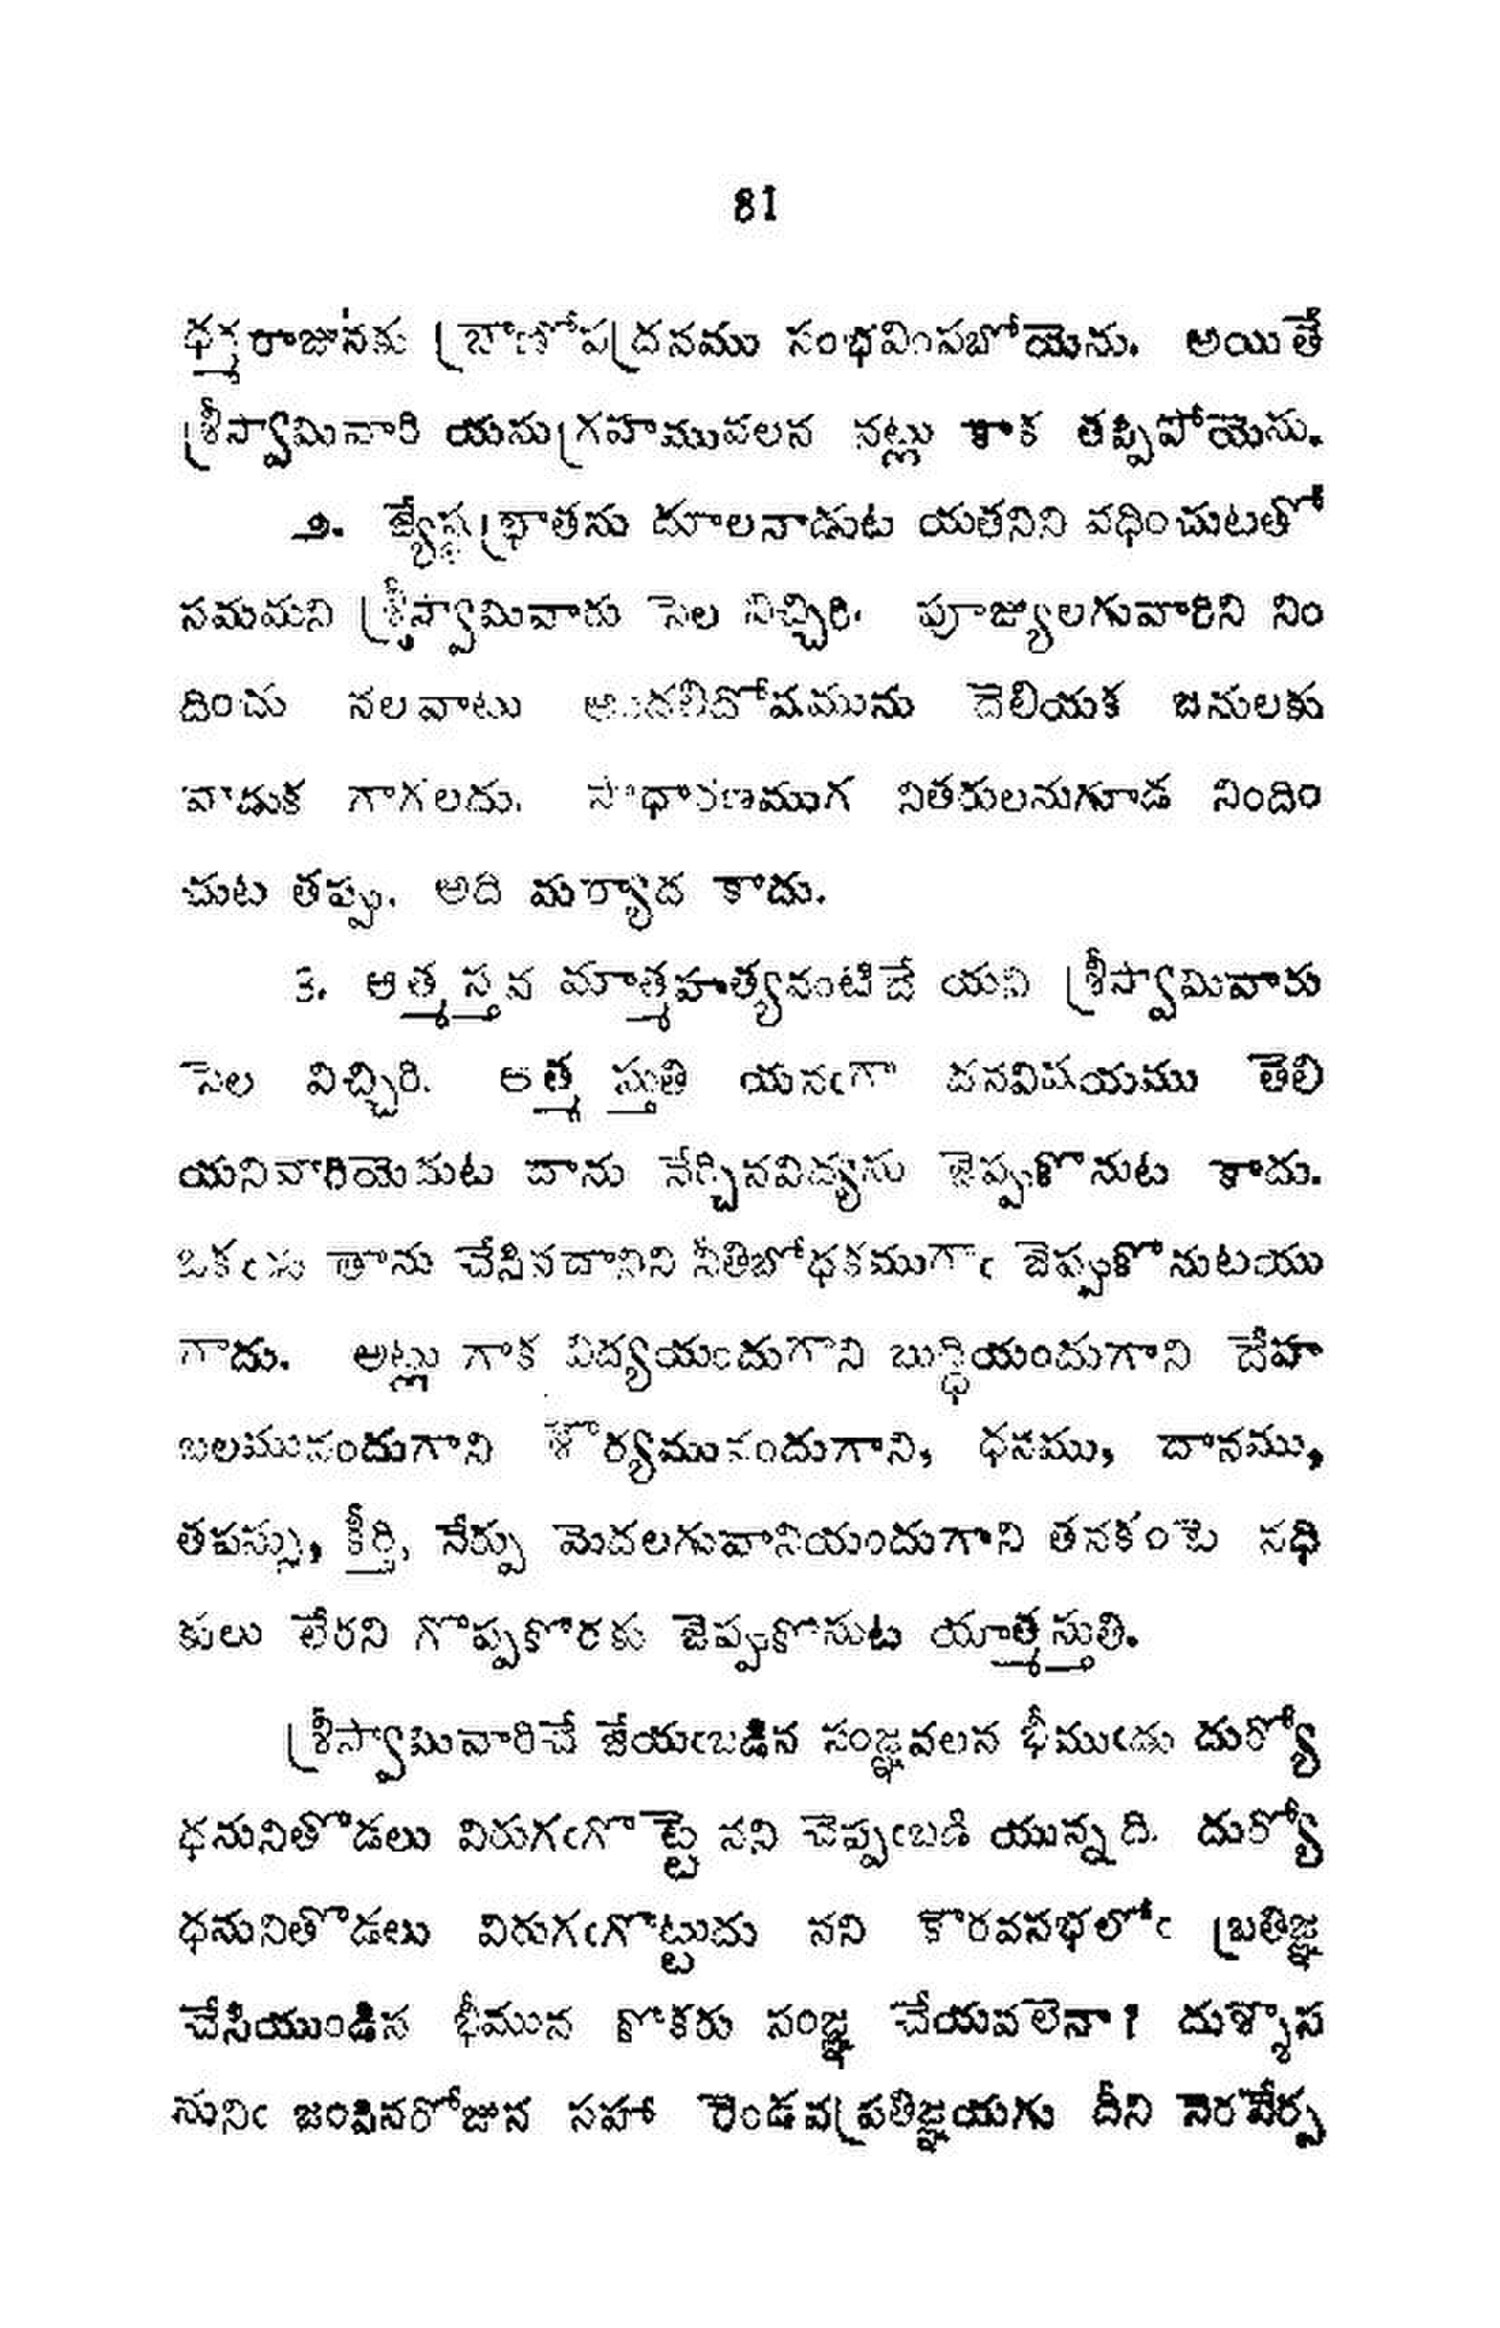ధర్మరాజునకు బ్రాణోపద్రవము సంభవింపబోయెను. అయితే శ్రీస్వామివారి యనుగ్రహమువలన నట్లు కాక తప్పిపోయెను.

2. జ్యేష్ఠభ్రాతను దూలనాడుట యతనిని వధించుటతో సమమని శ్రీస్వామివారు సెల వచ్చిరి. పూజ్యులగువారిని నిందించు నలవాటు అందలిదోషమును దెలియక జనులకు వాడుక గాగలదు. సాధారణముగ నితరులనుగూడ నిందించుట తప్పు, అది మర్యాద కాదు.

3. ఆత్మస్తవ మాత్మహత్యవంటిదే యని శ్రీస్వామివారు సెల విచ్చిరి. ఆత్మ స్తుతి యనఁగా దనవిషయము తెలియనివారియెదుట దాను నేర్చినవిద్యను జెప్పుకొనుట కాదు. ఒకఁడు తాను చేసినదానిని నీతిబోధకముగాఁ జెప్పుకొనుటయు గాదు. అట్లు గాక విద్యయందుగాని బుద్ధియందు గాని దేహబలమునందుగాని శౌర్యమునందుగాని, ధనము, దానము, తపస్సు, కీర్తి, నేర్పు మొదలగు వానియందుగాని తనకంటె నధికులు లేరని గొప్పకొరకు జెప్పుకొనుట యాత్మస్తుతి.

శ్రీస్వామివారిచే జేయఁబడిన సంజ్ఞవలన భీముఁడు దుర్యోధనునితొడలు విరుగఁగొట్టె నని చెప్పఁబడి యున్నది. దుర్యోధనునితొడలు విరుగఁగొట్టుదు నని కౌరవసభలోఁ బ్రతిజ్ఞ చేసియుండిన భీమున కొకరు సంజ్ఞ చేయవలెనా ? దుశ్శాసనునిఁ జంపినరోజున సహా రెండవప్రతిజ్ఞయగు దీని నెరవేర్ప